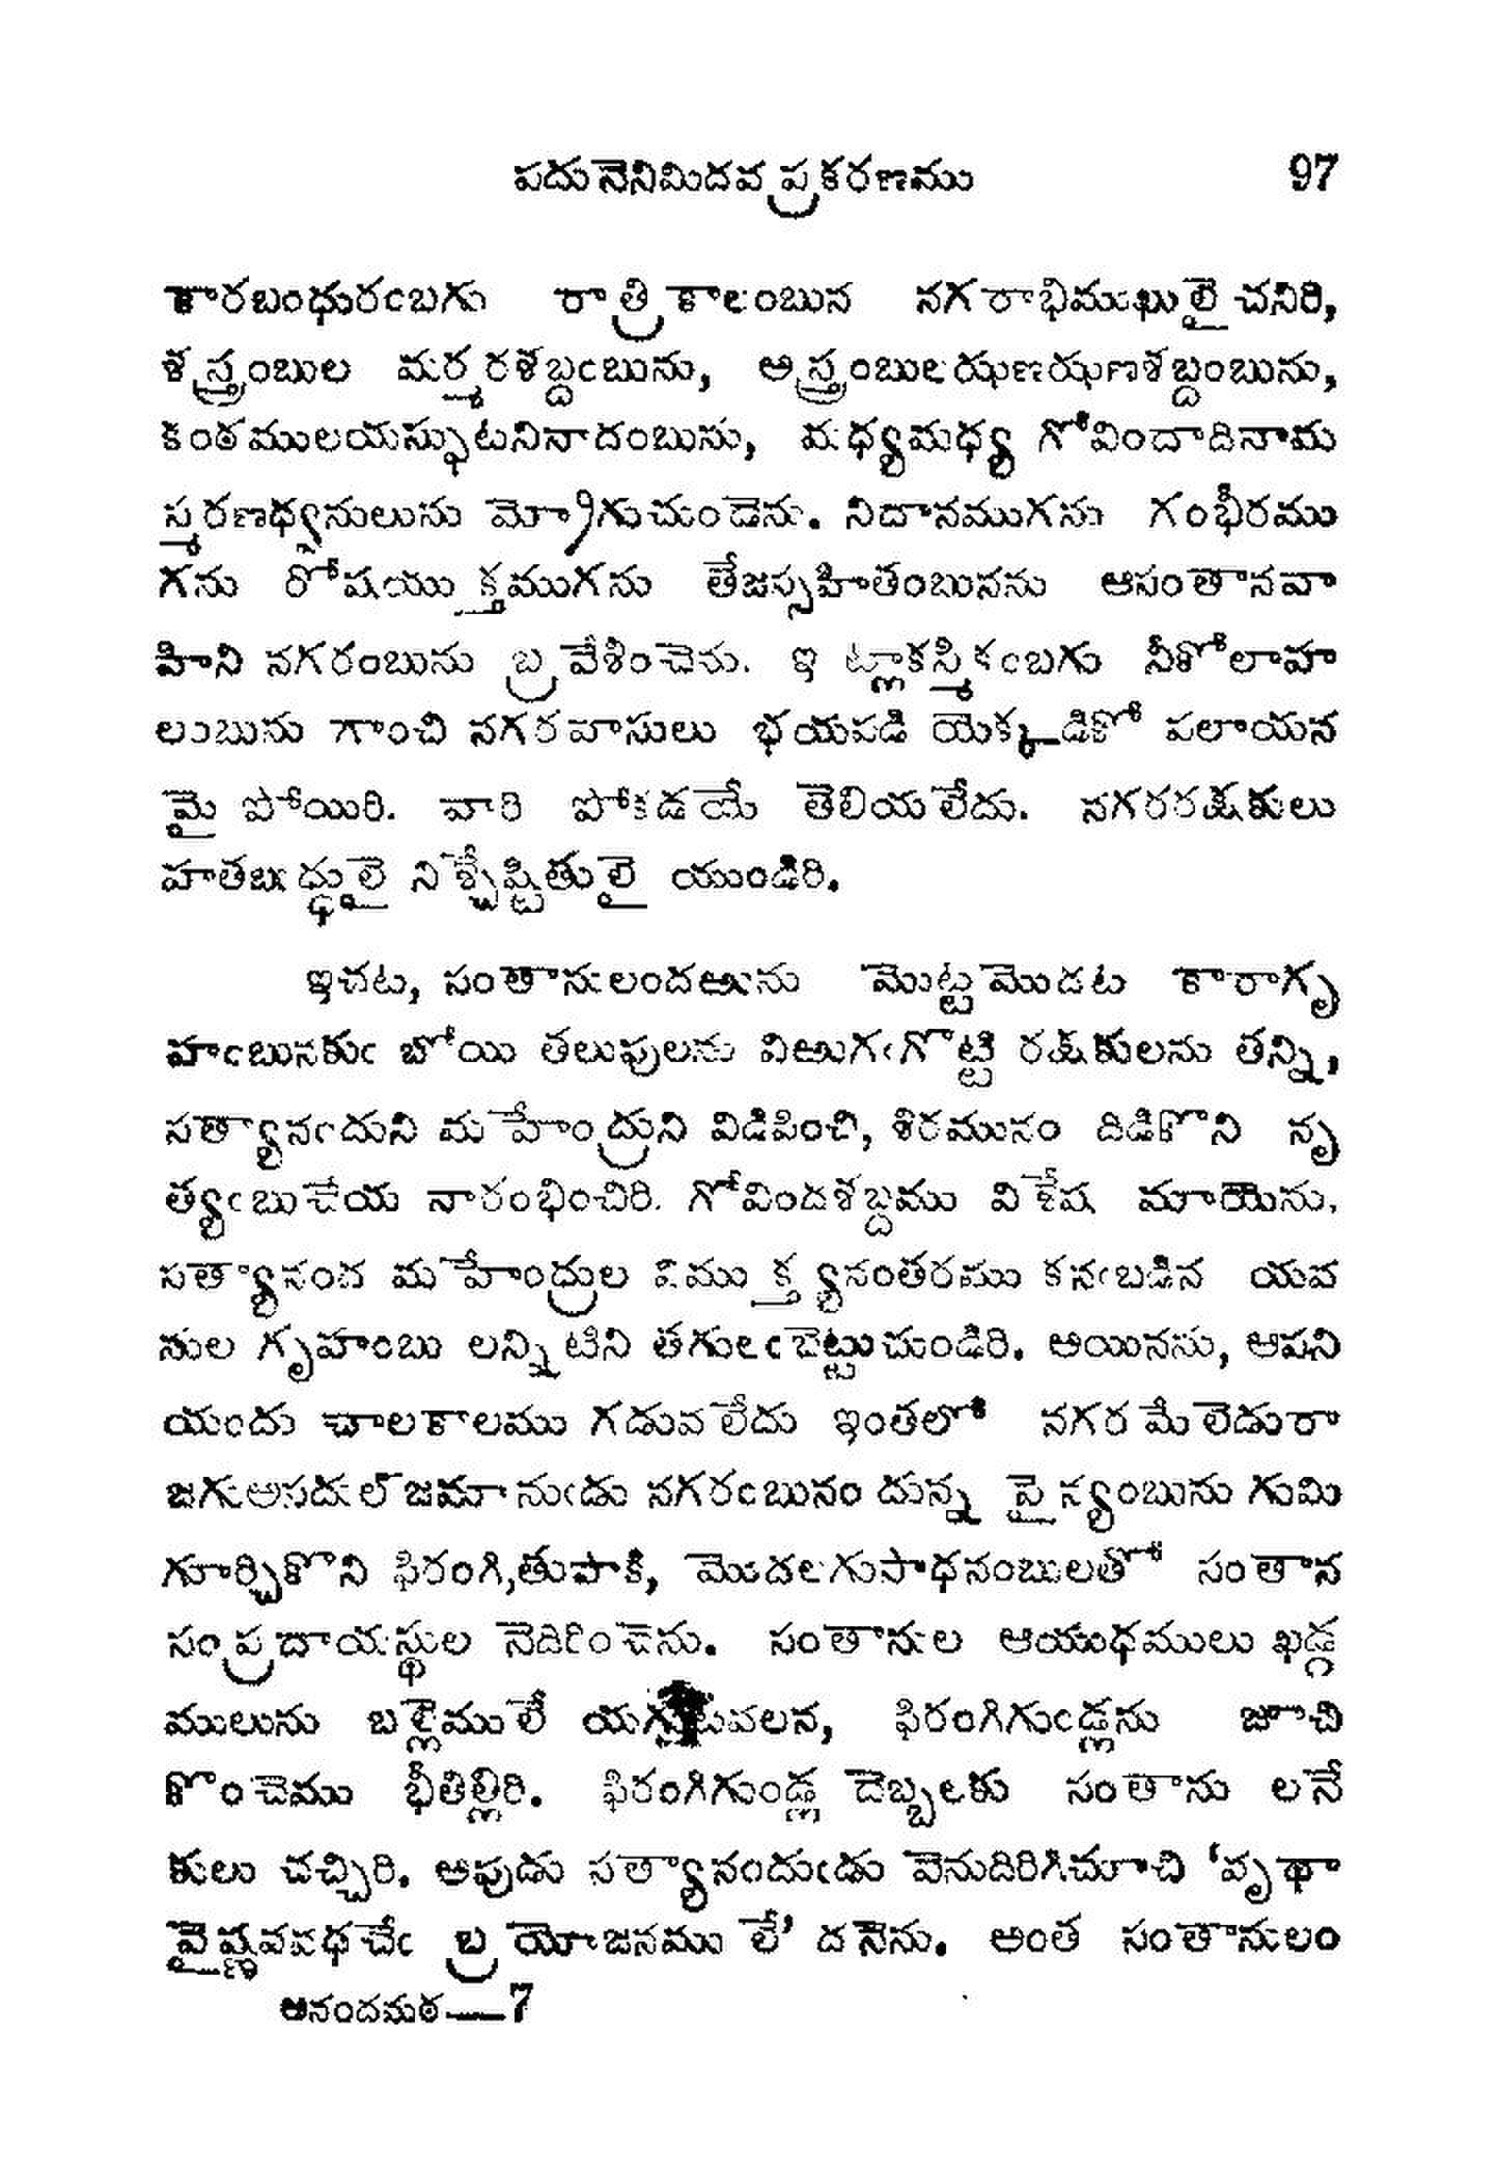కారబంధురంబగు రాత్రి కాలంబున నగరాభిముఖులై చనిరి, శస్త్రంబుల మర్మరశబ్దంబును, అస్త్రంబుల ఝణఝణశబ్దంబును, కంఠములయస్ఫుటనినాదంబుసు, మధ్యమధ్య గోవిందాది నామస్మరణ ధ్వనులును మ్రోగుచుండెను. నిదానముగను గంభీరముగను రోషయుక్తముగను తేజస్సహితంబునను ఆసంతాన వాహిని నగరంబును బ్రవేశించెను. ఇట్లాకస్మికంబగు నీకోలాహలంబును గాంచి నగరవాసులు భయపడి యెక్కడికో పలాయనమై పోయిరి. వారి పోకడయే తెలియ లేదు. నగరరక్షకులు హతబద్ధులై నిశ్చేష్టితులై యుండిరి.

ఇచట, సంతాను లందఱును మొట్ట మొదట కారాగృహంబునకుఁ బోయి తలుపులను విఱుగఁ గొట్టి రక్షకులను తన్ని,
సత్యానందుని మహేంద్రుని విడిపించి, శిరమునం దిడికొని నృత్యంబు చేయ నారంభించిరి. గోవిందశబ్దము విశేష మాయెను,
సత్యానంద మహేంద్రుల విముక్త్యనంతరము కనఁబడిన యవనుల గృహంబు లన్నిటిని తగులఁ బెట్టుచుండిరి. అయినను, ఆపని యందు చాల కాలము గడువ లేదు. ఇంతలో నగర మేలెడు రాజగు అసదుల్ జమానుఁడు నగరంబునందున్న సైన్యంబును గుమి గూర్చికొని ఫిరంగి,తుపాకి, మొదలగు సాధనంబులతో సంతాన సంప్రదాయస్థుల నెదిరించెను. సంతానుల ఆయుధములు ఖడ్గములును బల్లెములే యగుటవలన, ఫిరంగిగుండ్లను జూచి కొంచెము భీతిల్లిరి. ఫిరంగిగుండ్ల దెబ్బలకు సంతాను లనేకులు చచ్చిరి. అపుడు సత్యానందుఁడు వెనుదిరిగి చూచి 'వృథా వైష్ణవ వధచేఁ బ్రయోజనము లే ' దనెను. అంత సంతానులం